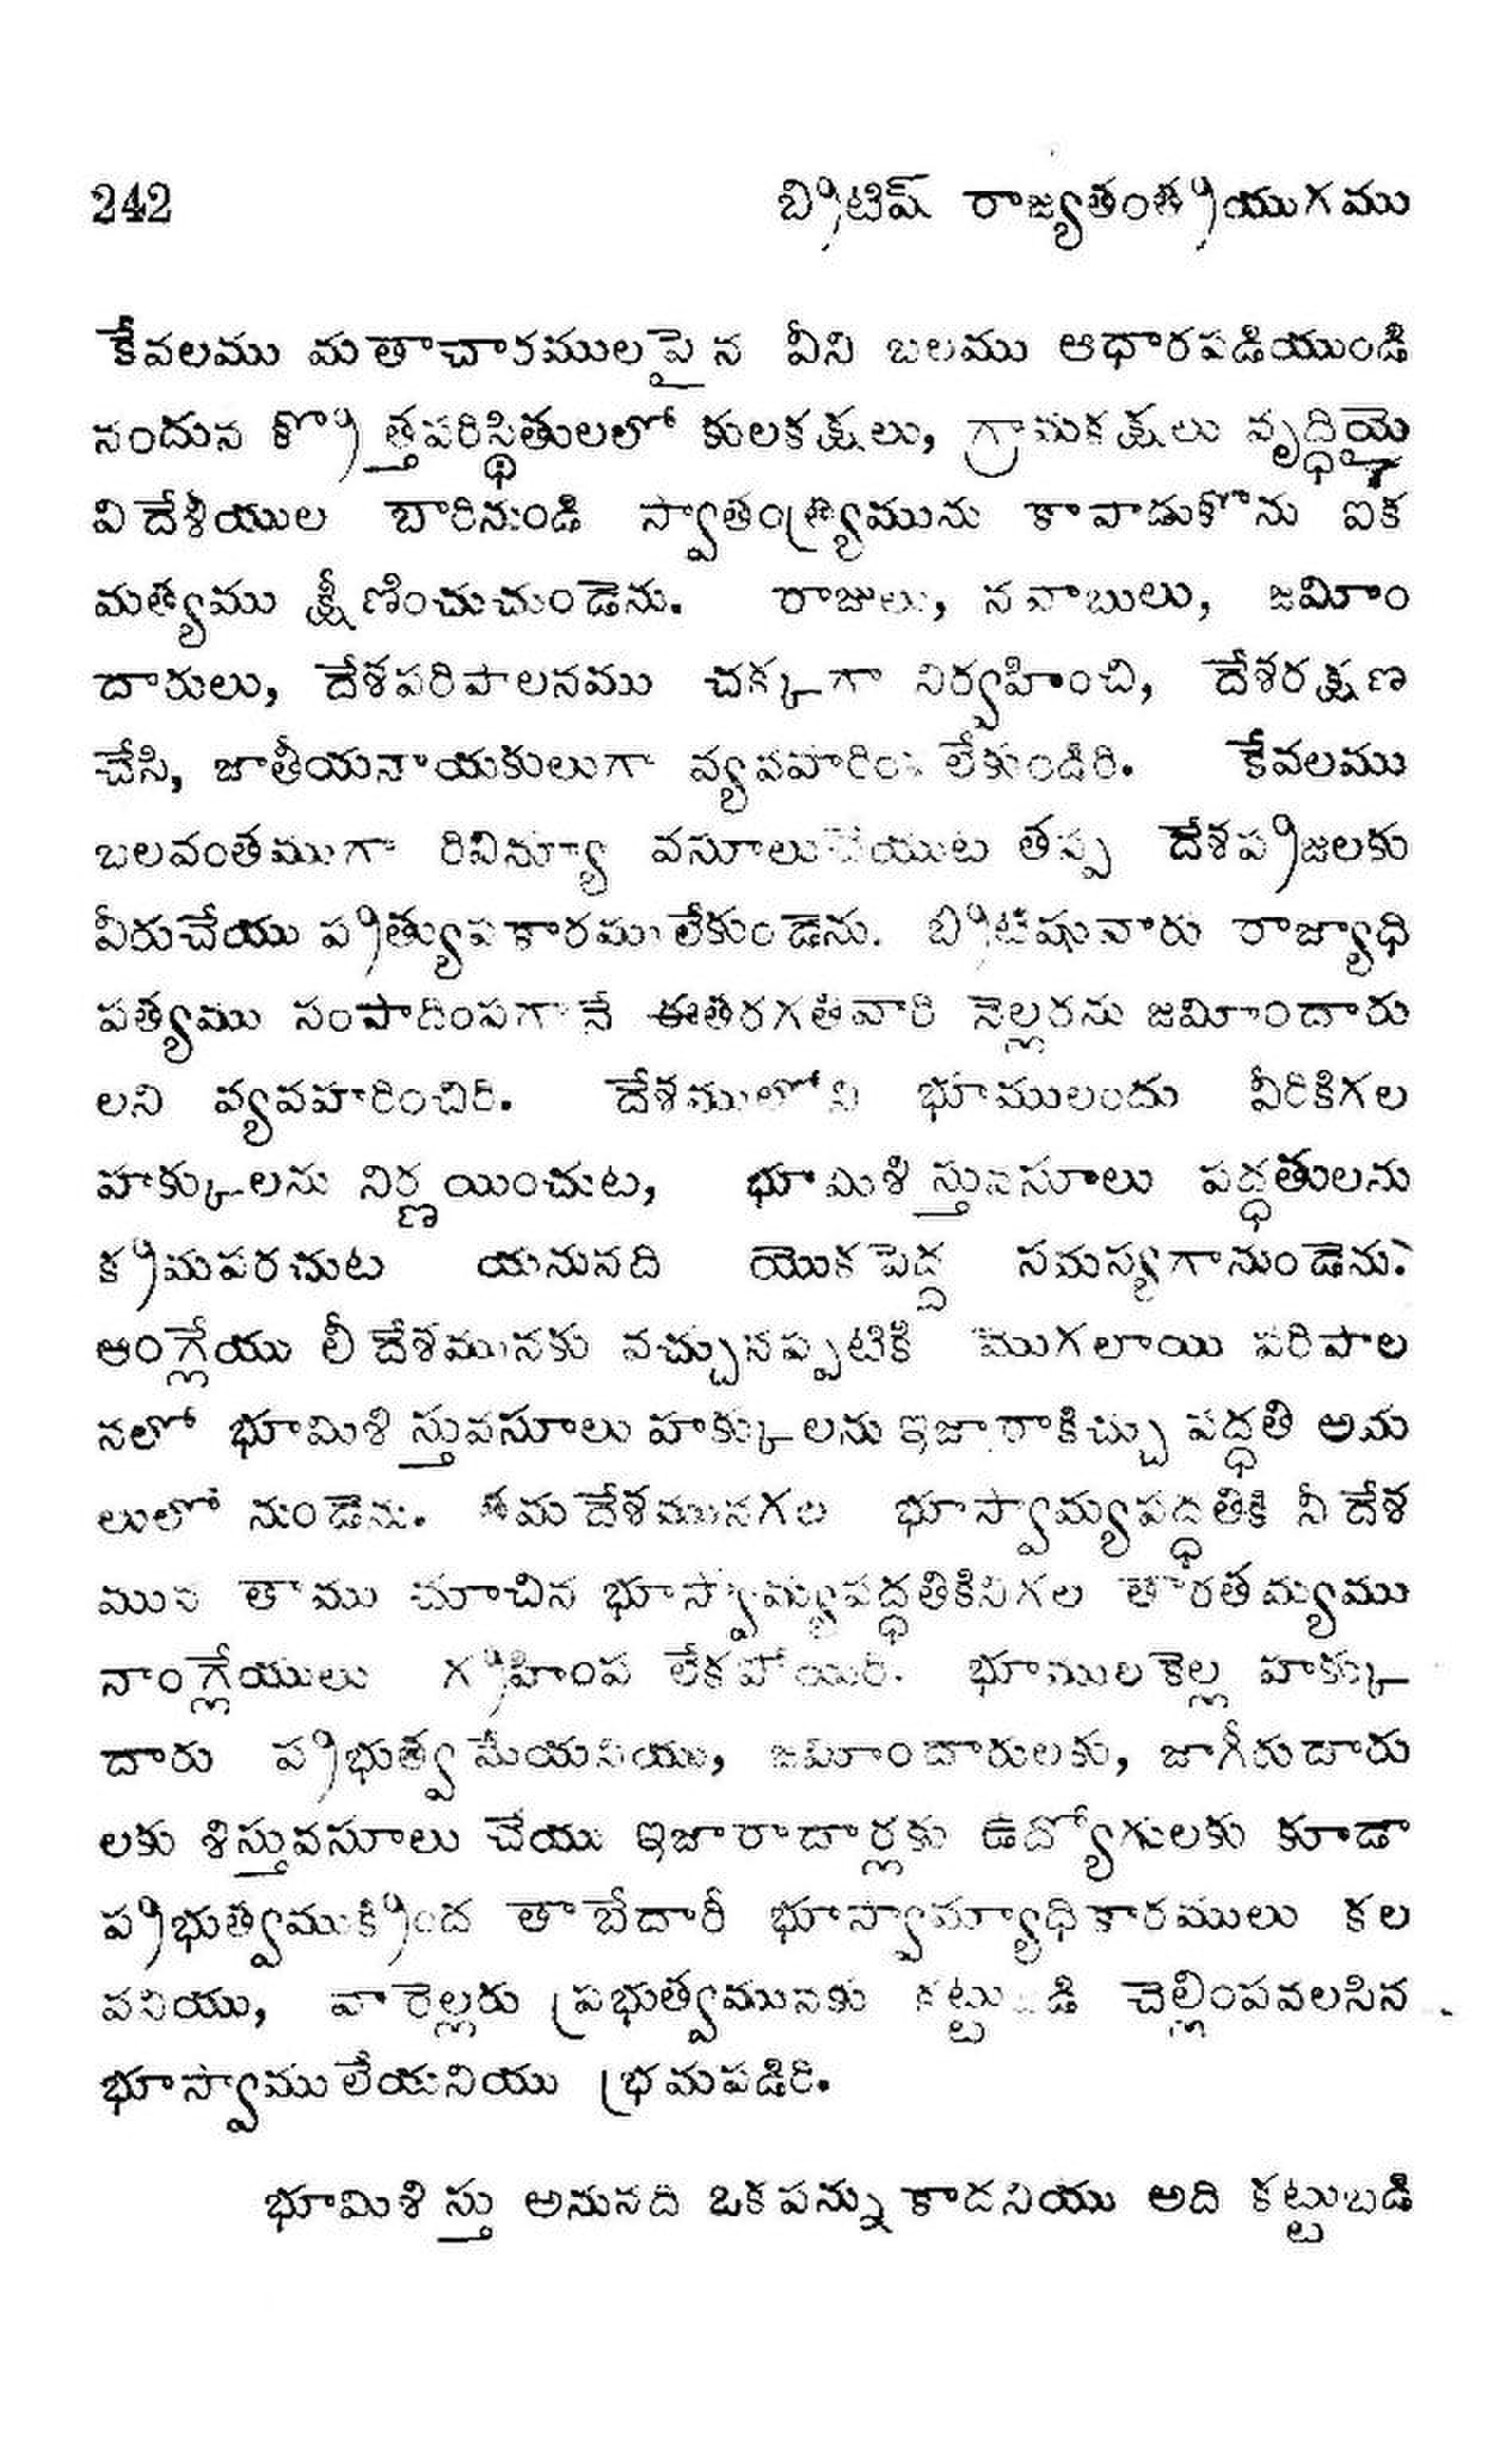కేవలము మతాచారములపైన వీని బలము ఆధారపడియుండినందున క్రొత్తపరిస్థితులలో కులకక్షలు, గ్రామకక్షలు వృద్ధియై విదేశీయుల బారినుండి స్వాతంత్ర్యమును కాపాడుకొను ఐకమత్యము క్షీణించుచుండెను. రాజు, నవాబులు, జమీందారులు, దేశపరిపాలనము చక్కగా నిర్వహించి, దేశరక్షణ చేసి, జాతీయనాయకులుగా వ్యవహరింప లేకుండిరి. కేవలము బలవంతముగా రినిన్యూ వసూలుచేయుట తప్ప దేశప్రజలకు వీరుచేయు ప్రత్యుపకారము లేకుండెను. బ్రిటిషునారు. రాజ్యాధిపత్యము సంపాదింపగానే ఈతరగతివారి నెల్లరను జమీందారు లని వ్యవహరించి. దేశములోని భూములందు వీరికిగల హక్కులను నిర్ణయించుట, భూమిశిస్తువసూలు పద్ధతులను క్రమపరచుట యనునది యొకపెద్ద సమస్యగానుండెను. ఆంగ్లేయు లీ దేశమునకు వచ్చునప్పటికి మొగలాయి పరిపాలనలో భూమిశిస్తువసూలు హక్కులను ఇజారాకిచ్చు పద్ధతి అమలులో నుండెను. తమదేశమునగల భూస్వామ్యపద్దతికి నీ దేశమున తాము చూచిన భూస్వామ్యపద్ధతికినిగల తారతమ్యము నాంగ్లేయులు గ్రహింప లేకపోయిరి. భూములకెల్ల హక్కుదారు ప్రభుత్వమేయనియు, జమీందారులకు, జాగీరుదారులకు శిస్తువసూలు చేయు ఇజారాదార్లకు ఉద్యోగులకు కూడా ప్రభుత్వముక్రింద తాబేదారీ భూస్వామ్యాధికారములు కలవనియు, వారెల్లరు ప్రభుత్వమునకు కట్టుబడి చెల్లింపవలసిన . భూస్వాములేయనియు భ్రమపడిరి.

భూమిశిస్తు అనునది ఒక పన్ను కాదనియు అది కట్టుబడి